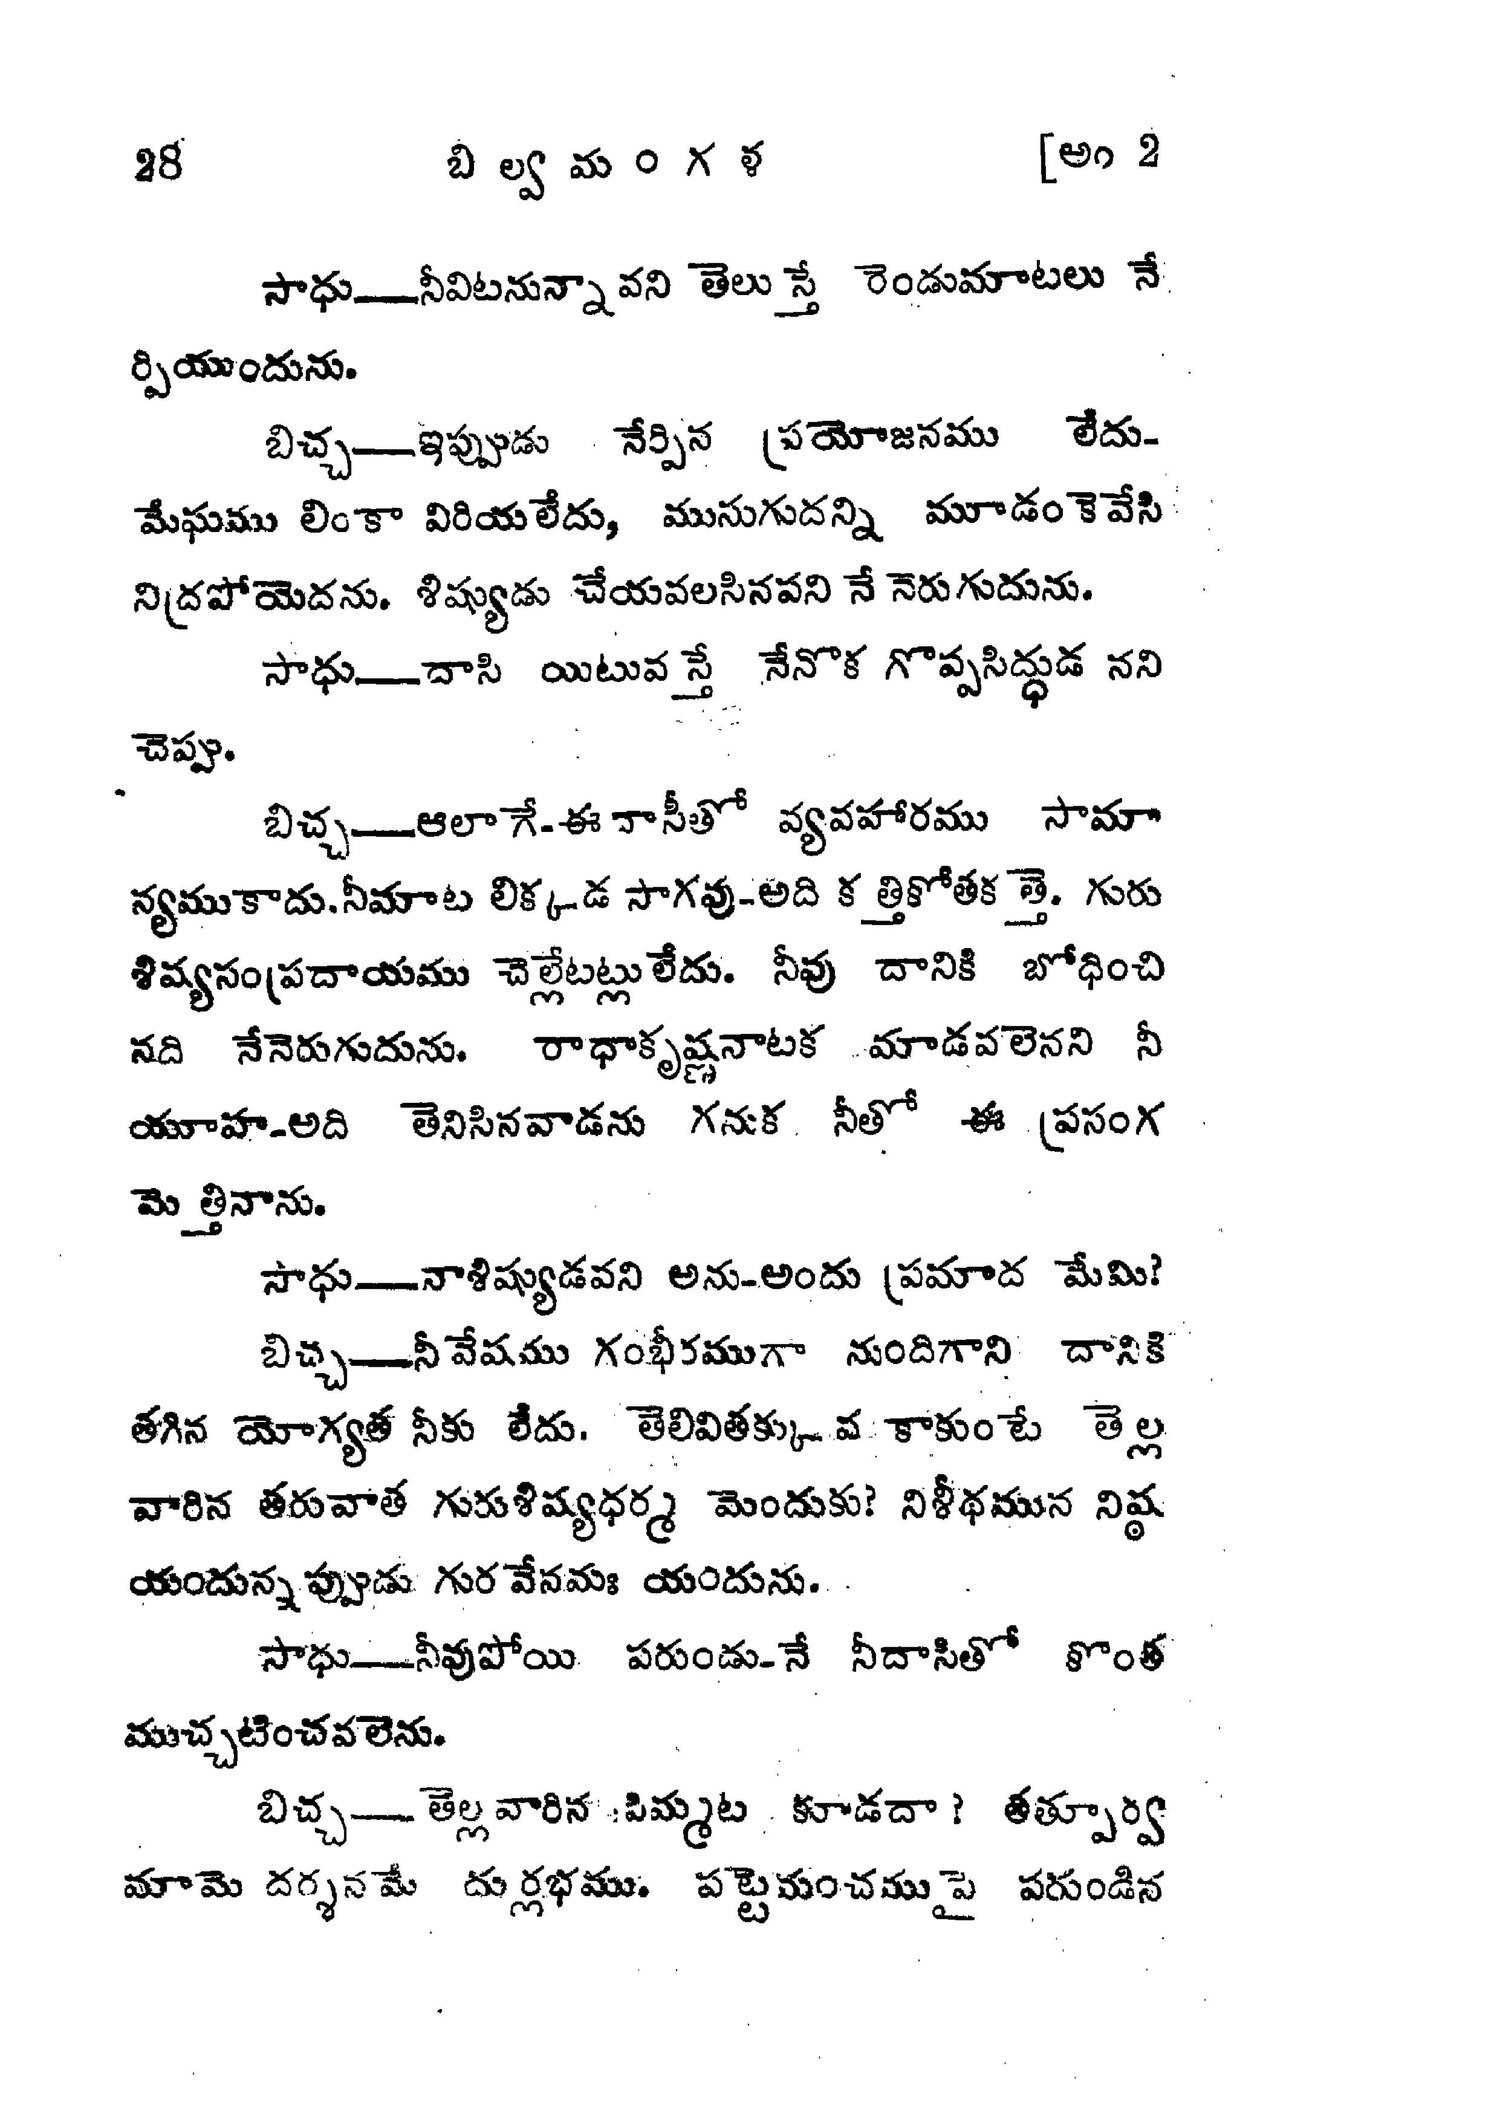సాధు - నీవిటనున్నావని తెలుస్తే రెండుమాటలు నేర్పియుందును.

బిచ్చ - ఇప్పుడు నేర్పిన ప్రయోజనము లేదు - మేఘము లింకా విరియలేదు, ముసుగుదన్ని మూడంకెవేసి నిద్రపోయెదను. శిష్యుడు చేయవలసినపని నే నెరుగుదును.

సాధు - దాసి యిటువస్తే నేనొక గొప్పసిద్ధుడ నని చెప్పు.

బిచ్చ - ఆలాగే - ఈదాసీతో వ్యవహారము సామాన్యముకాదు. నీమాట లిక్కడ సాగవు - అది కత్తికోతకత్తె. గురు శిష్యసంప్రదాయము చెల్లేటట్లులేదు. నీవు దానికి బోధించినది నేనెరుగుదును. రాధాకృష్ణనాటక మాడవలెనని నీ యూహ-అది తెనిసినవాడను గనుక నీతో ఈ ప్రసంగ మెత్తినాను.

సాధు - నాశిష్యుడవని అను-అందు ప్రమాద మేమి?

బిచ్చ - నీ వేషము గంభీరముగా నుందిగాని దానికి తగిన యోగ్యత నీకు లేదు. తెలివితక్కువ కాకుంటే తెల్లవారిన తరువాత గురుశిష్యధర్మ మెందుకు? నిశీథమున నిష్ఠయందున్న ప్పుడు గురవేనమ: యందును.

సాధు - నీవుపోయి పరుండు - నే నీదాసితో కొంత ముచ్చటించవలెను.

బిచ్చ - తెల్లవారిన పిమ్మట కూడదా? తత్పూర్వ మామె దర్శనమె దుర్లభము. పట్టెమంచముపై పరుండిన